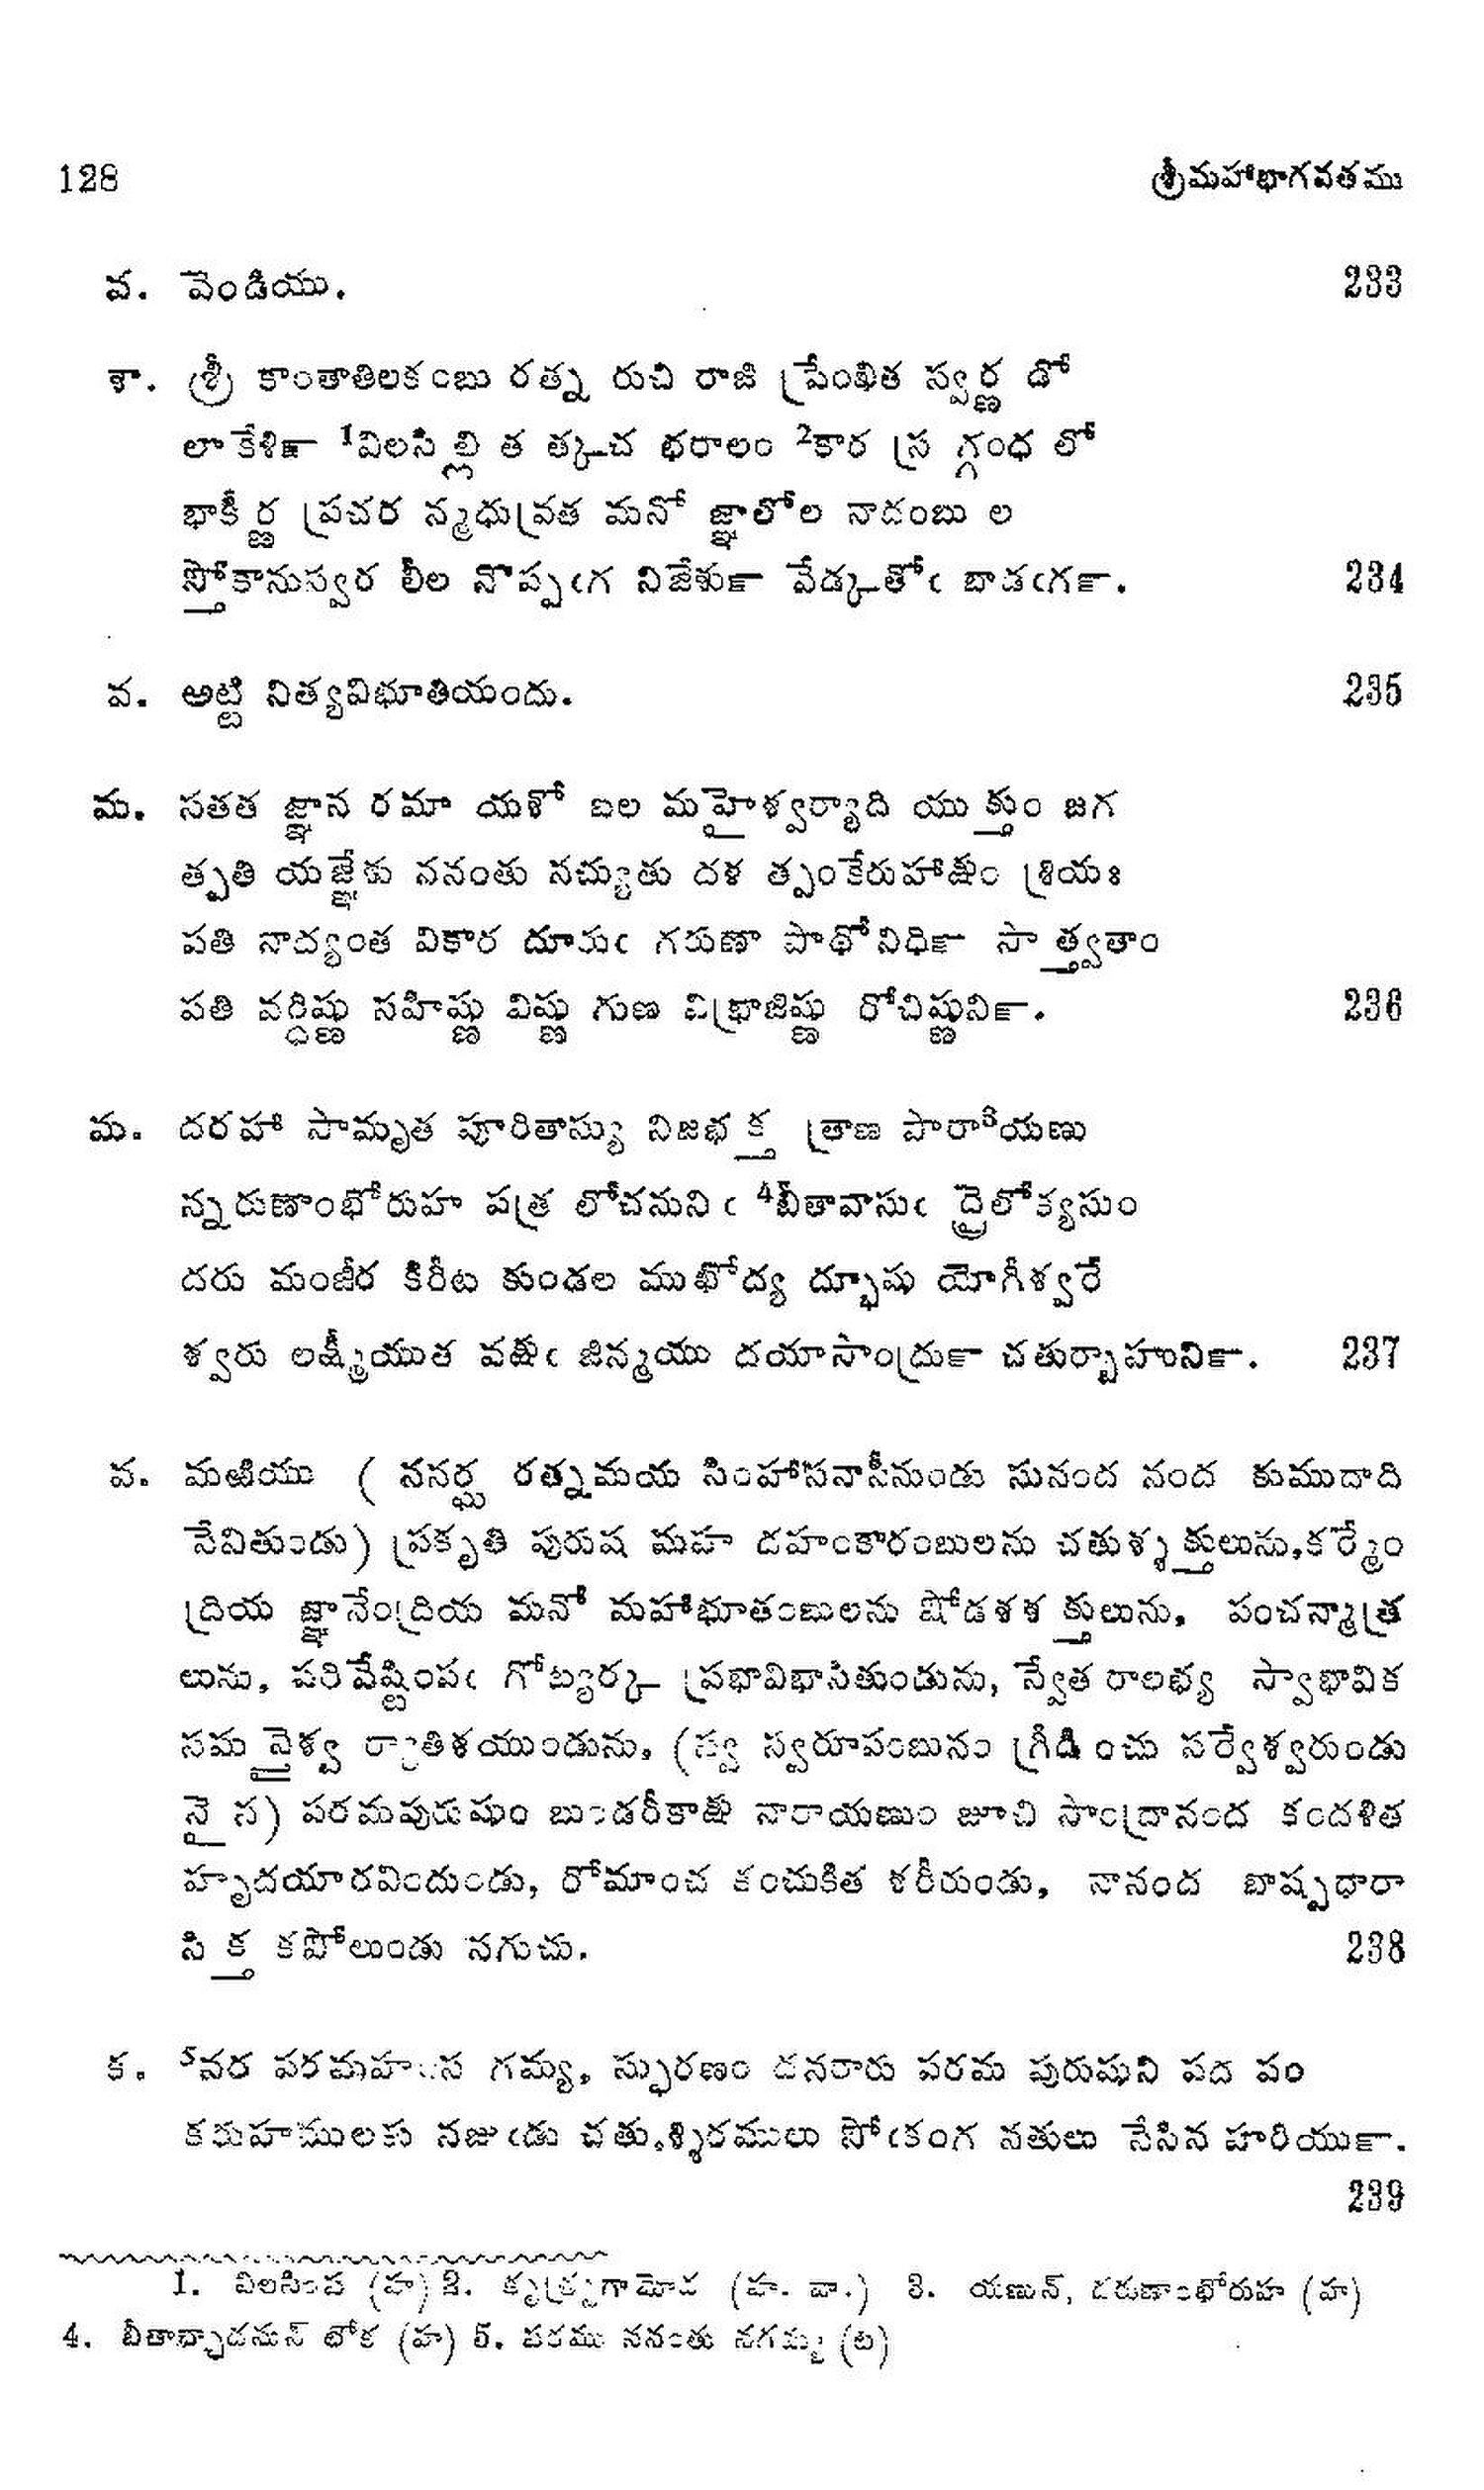128

వ. వెండియు. (233)

శా. శ్రీ కాంతాతిలకంబు రత్న రుచి రాజి ప్రేంఖిత స్వర్ణ డో

లాకేళిన్ విలసిల్లిత త్కచ భరాలం కార స్రగ్గంధ లో

భాకీర్ణ ప్రచర న్మధువ్రత మనో జ్ఞాలోల నాదంబు ల

స్తోకానుస్వర లీల నొప్పఁగ నిజేశున్ వేడ్కతోఁ బాడఁగన్. (234)

వ. అట్టి నిత్యవిభూతియందు. (235)

మ. సతత జ్ఞాన రమా యశో బల మహైశ్వర్యాది యుక్తుం జగ

త్పతి యజ్ఞేశు ననంతు నచ్యుతు దళ త్పంకేరుహాక్షుం శ్రియః

పతి నాద్యంత వికార దూరుఁ గరుణా పాథోనిధిన్ సాత్త్వతాం

పతి వర్ధిష్ణు సహిష్ణు విష్ణు గుణ విభ్రాజిష్ణు రోచిష్ణునిన్. (236)

మ. దరహా సామృత పూరితాస్యు నిజభక్త త్రాణ పారాయణు

న్న రుణాంభోరుహ పత్ర లోచనునిఁ బీతావాసుఁ ద్రైలోక్యసుం

దరు మంజీర కిరీట కుండల ముఖోద్య ద్భూషు యోగీశ్వరే

శ్వరు లక్ష్మీయుత వక్షుఁ జిన్మయు దయాసాంద్రున్ చతుర్బాహునిన్. (237)

వ. మఱియు (ననర్ఘ రత్నమయ సింహాసనాసీనుండు సునంద నంద కుముదాది సేవితుండు) ప్రకృతి పురుష మహా దహంకారంబులను చతుశ్శక్తులును, కర్మేంద్రియ జ్ఞానేంద్రియ మనో మహాభూతంబులను షోడశ శక్తులును, పంచన్మాత్రలును, పరివేష్టింపఁ గోట్యర్క ప్రభావిభాసితుండును, స్వేతరాలభ్య స్వాభావిక సమస్తైశ్వర్యాతిశయండును, (స్వ స్వరూపంబునం గ్రీడించు సర్వేశ్వరుండు నైన) పరమపురుషుం బుండరీకాక్షు నారాయణుం జూచి సాంద్రానంద కందళిత హృదయారవిందుండు, రోమాంచ కంచుకిత శరీరుండు, నానంద బాష్పధారాసిక్త కపోలుండు నగుచు. (238)

క. వర పరమహంస గమ్య, స్ఫురణం దనరారు పరమ పురుషుని పద పం

కరుహములకు నజుఁడు చతు, శ్శిరముల సోఁకంగ నతులు సేసిన హరియున్. (239)